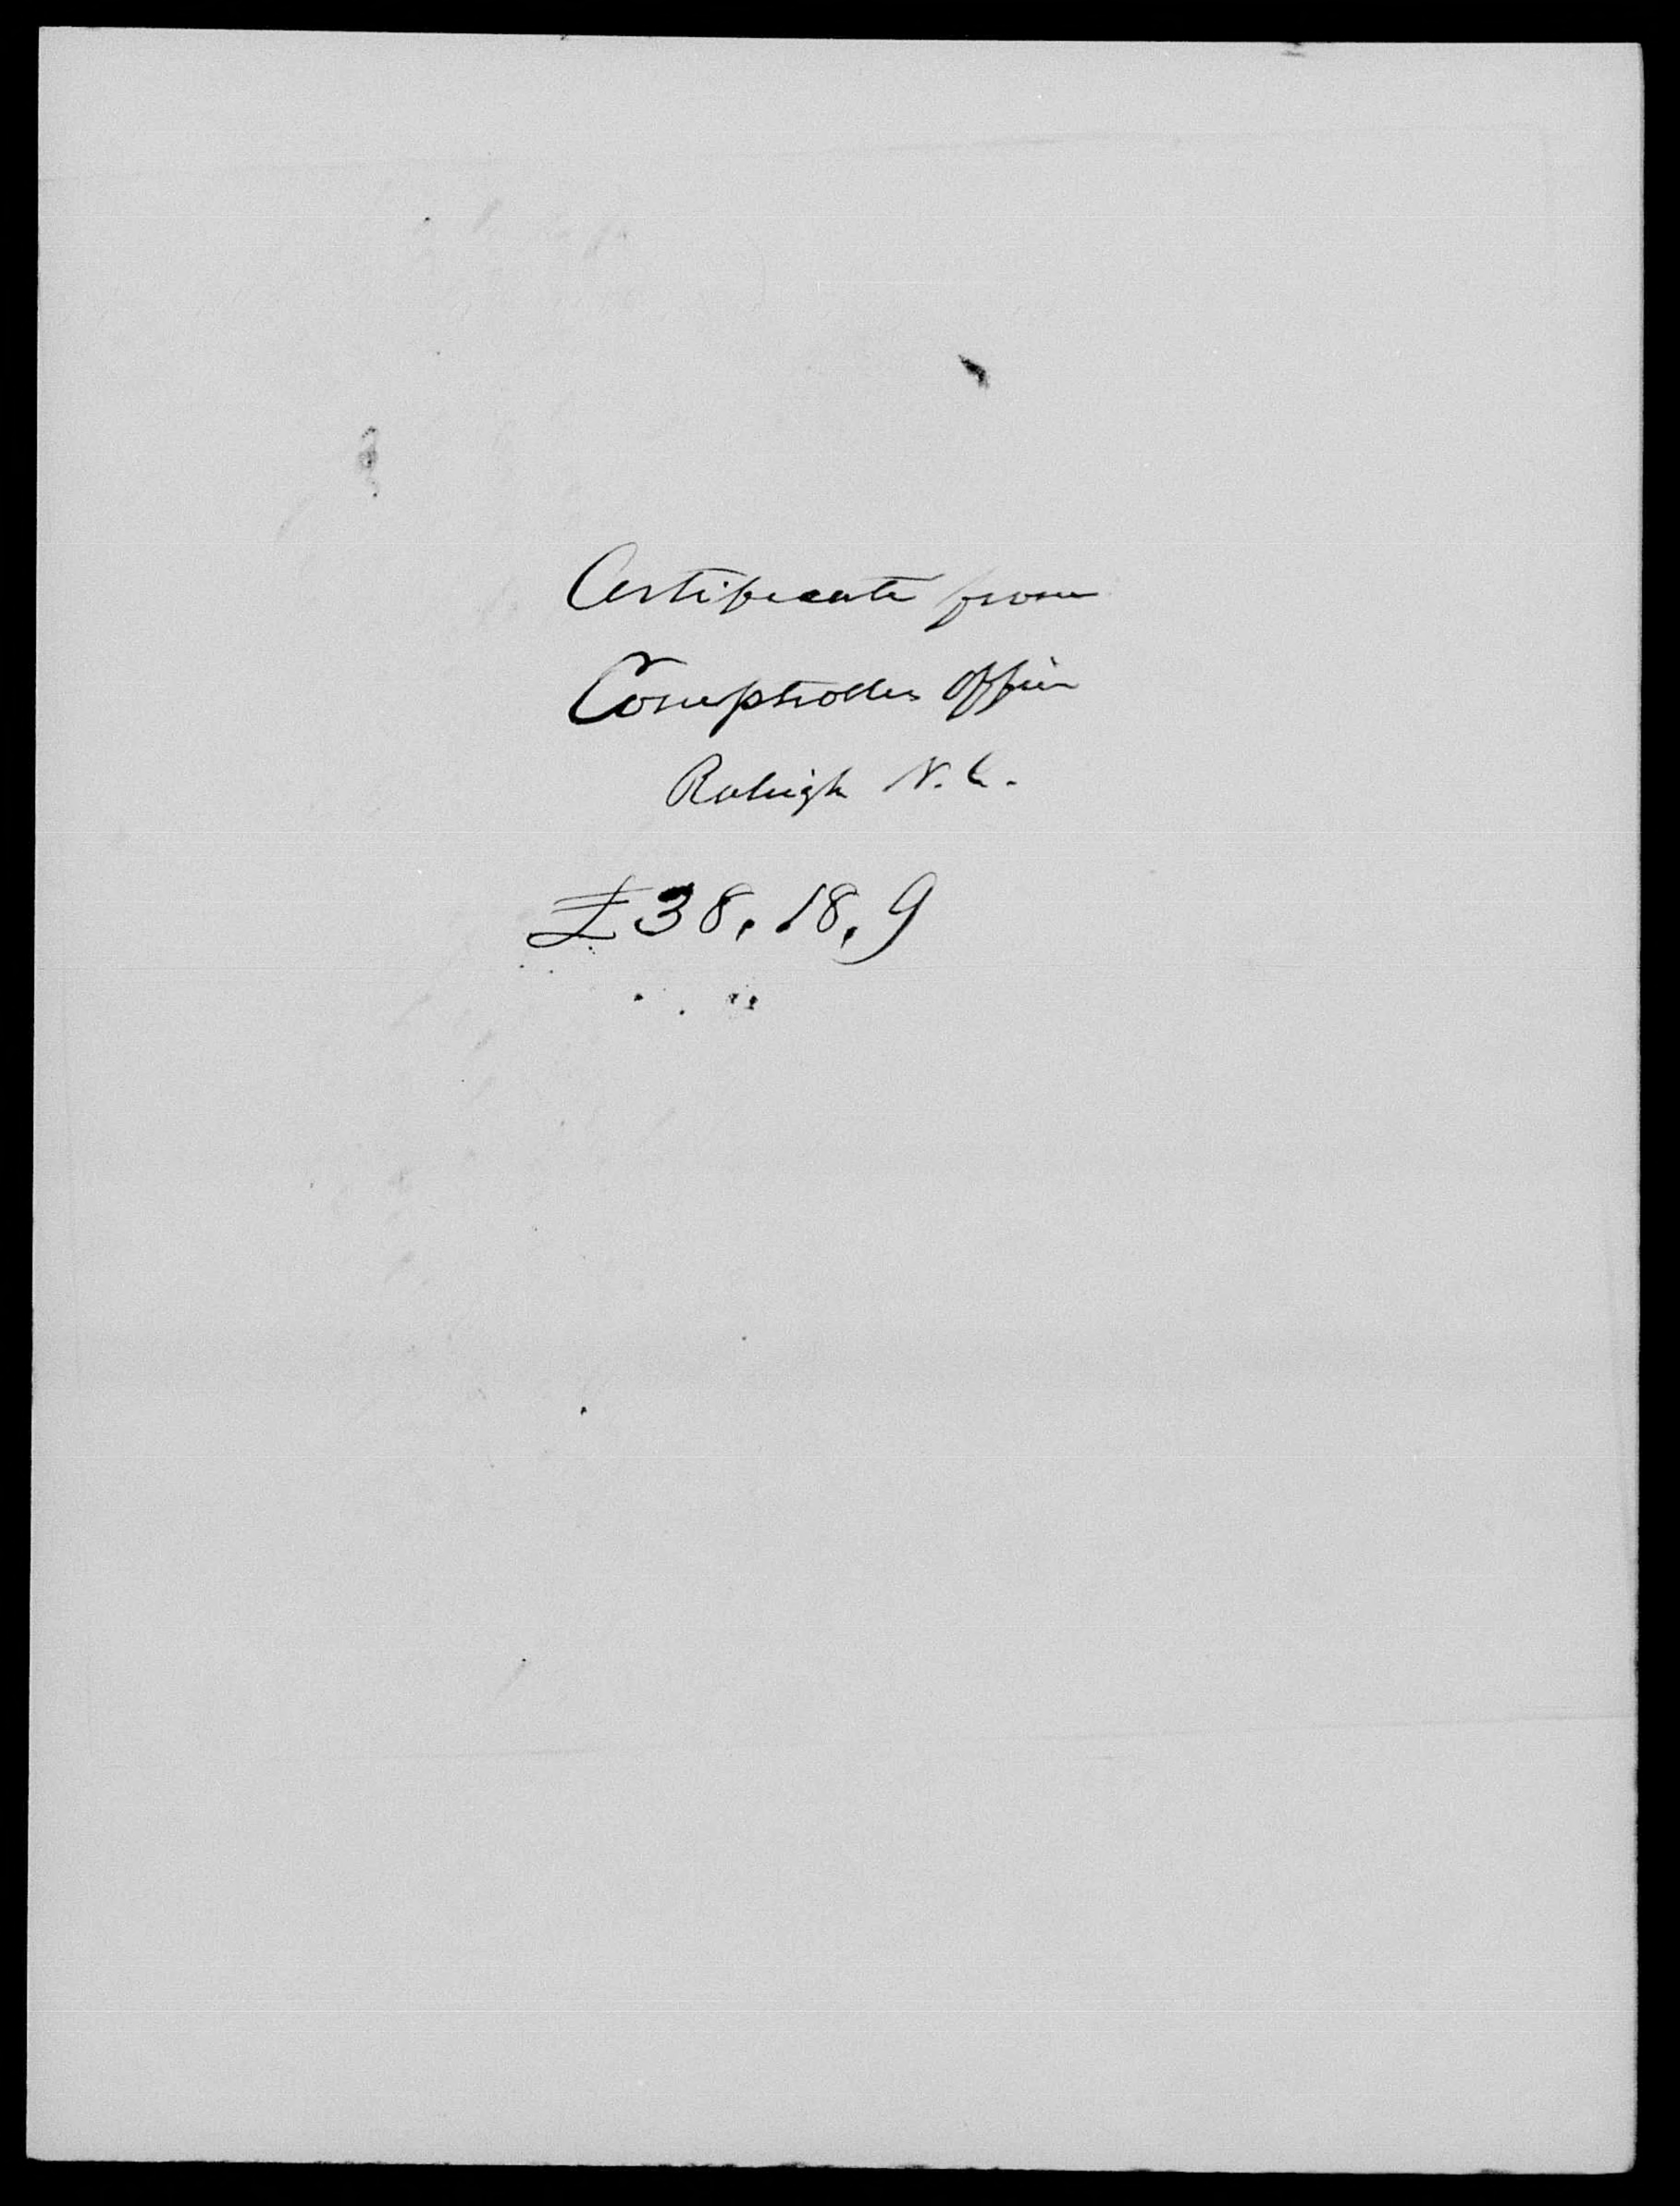Certificate from Compholler Office
Raleigh N.C.
L38.18.9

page: 29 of 52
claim: rejected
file: R. 3,512, John Ferrell, N.C.